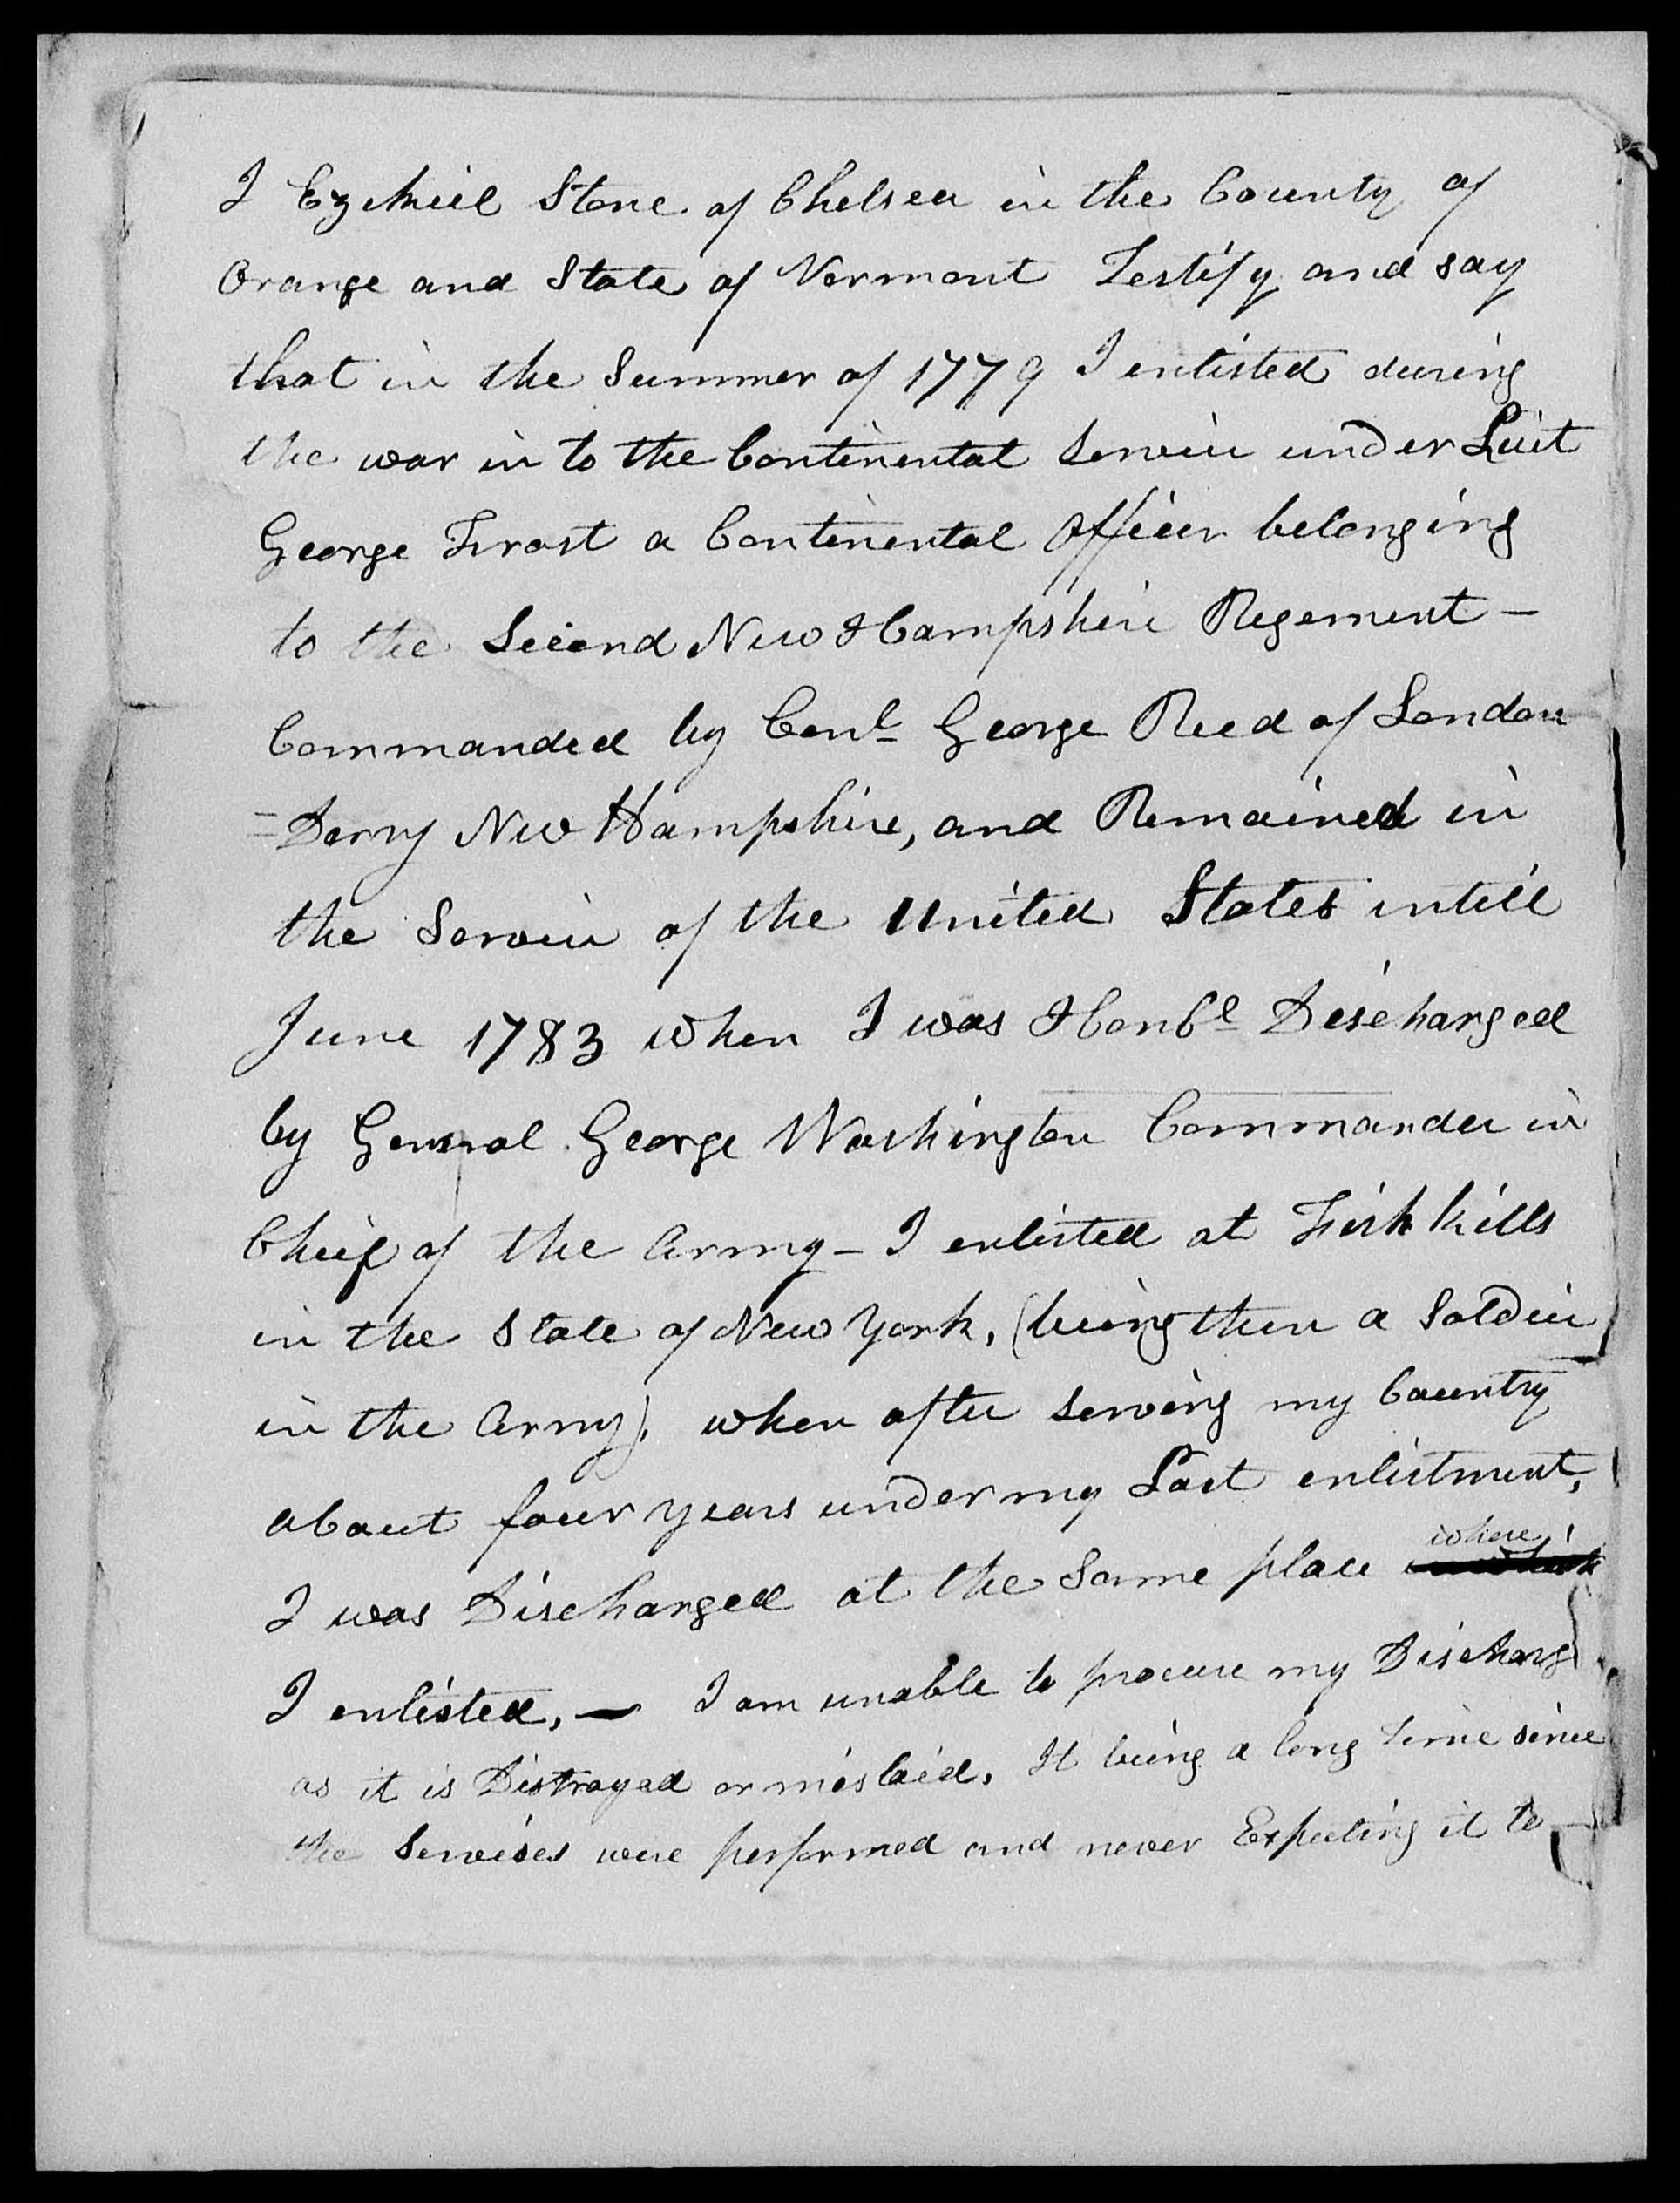I Ezekiel Stone of Chelsea in the County of Orange and State of Vermont Testify and say that in the Summer of 1779 I enlisted during the war in to the Continental Service under Lieut George Frost a Continental Officer belonging to the Second New Hampshire Regiment--Commanded by Gen'l George Reed of Londonderry New Hampshire, and Remained in the Service of the United States untill June 1783 when I was Honb'l Discharged by General George Washington Commander in Chief of the Army--I enlisted at Fishkills in the State of New York, (being then a Soldier in the Army), when after serving my Country about four years under my Last enlistment I was Discharged at the Same place where I enlisted,--I am unable to procure my Discharge as it is Distroyed or mislaid, It being a long Time since the Services were performed and never Expecting it to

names: George Frost; George Washington; Ezekiel Stone; George Reed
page: 4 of 38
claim: survivor's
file: S. 43181, for Ezekiel Stone, New Hampshire